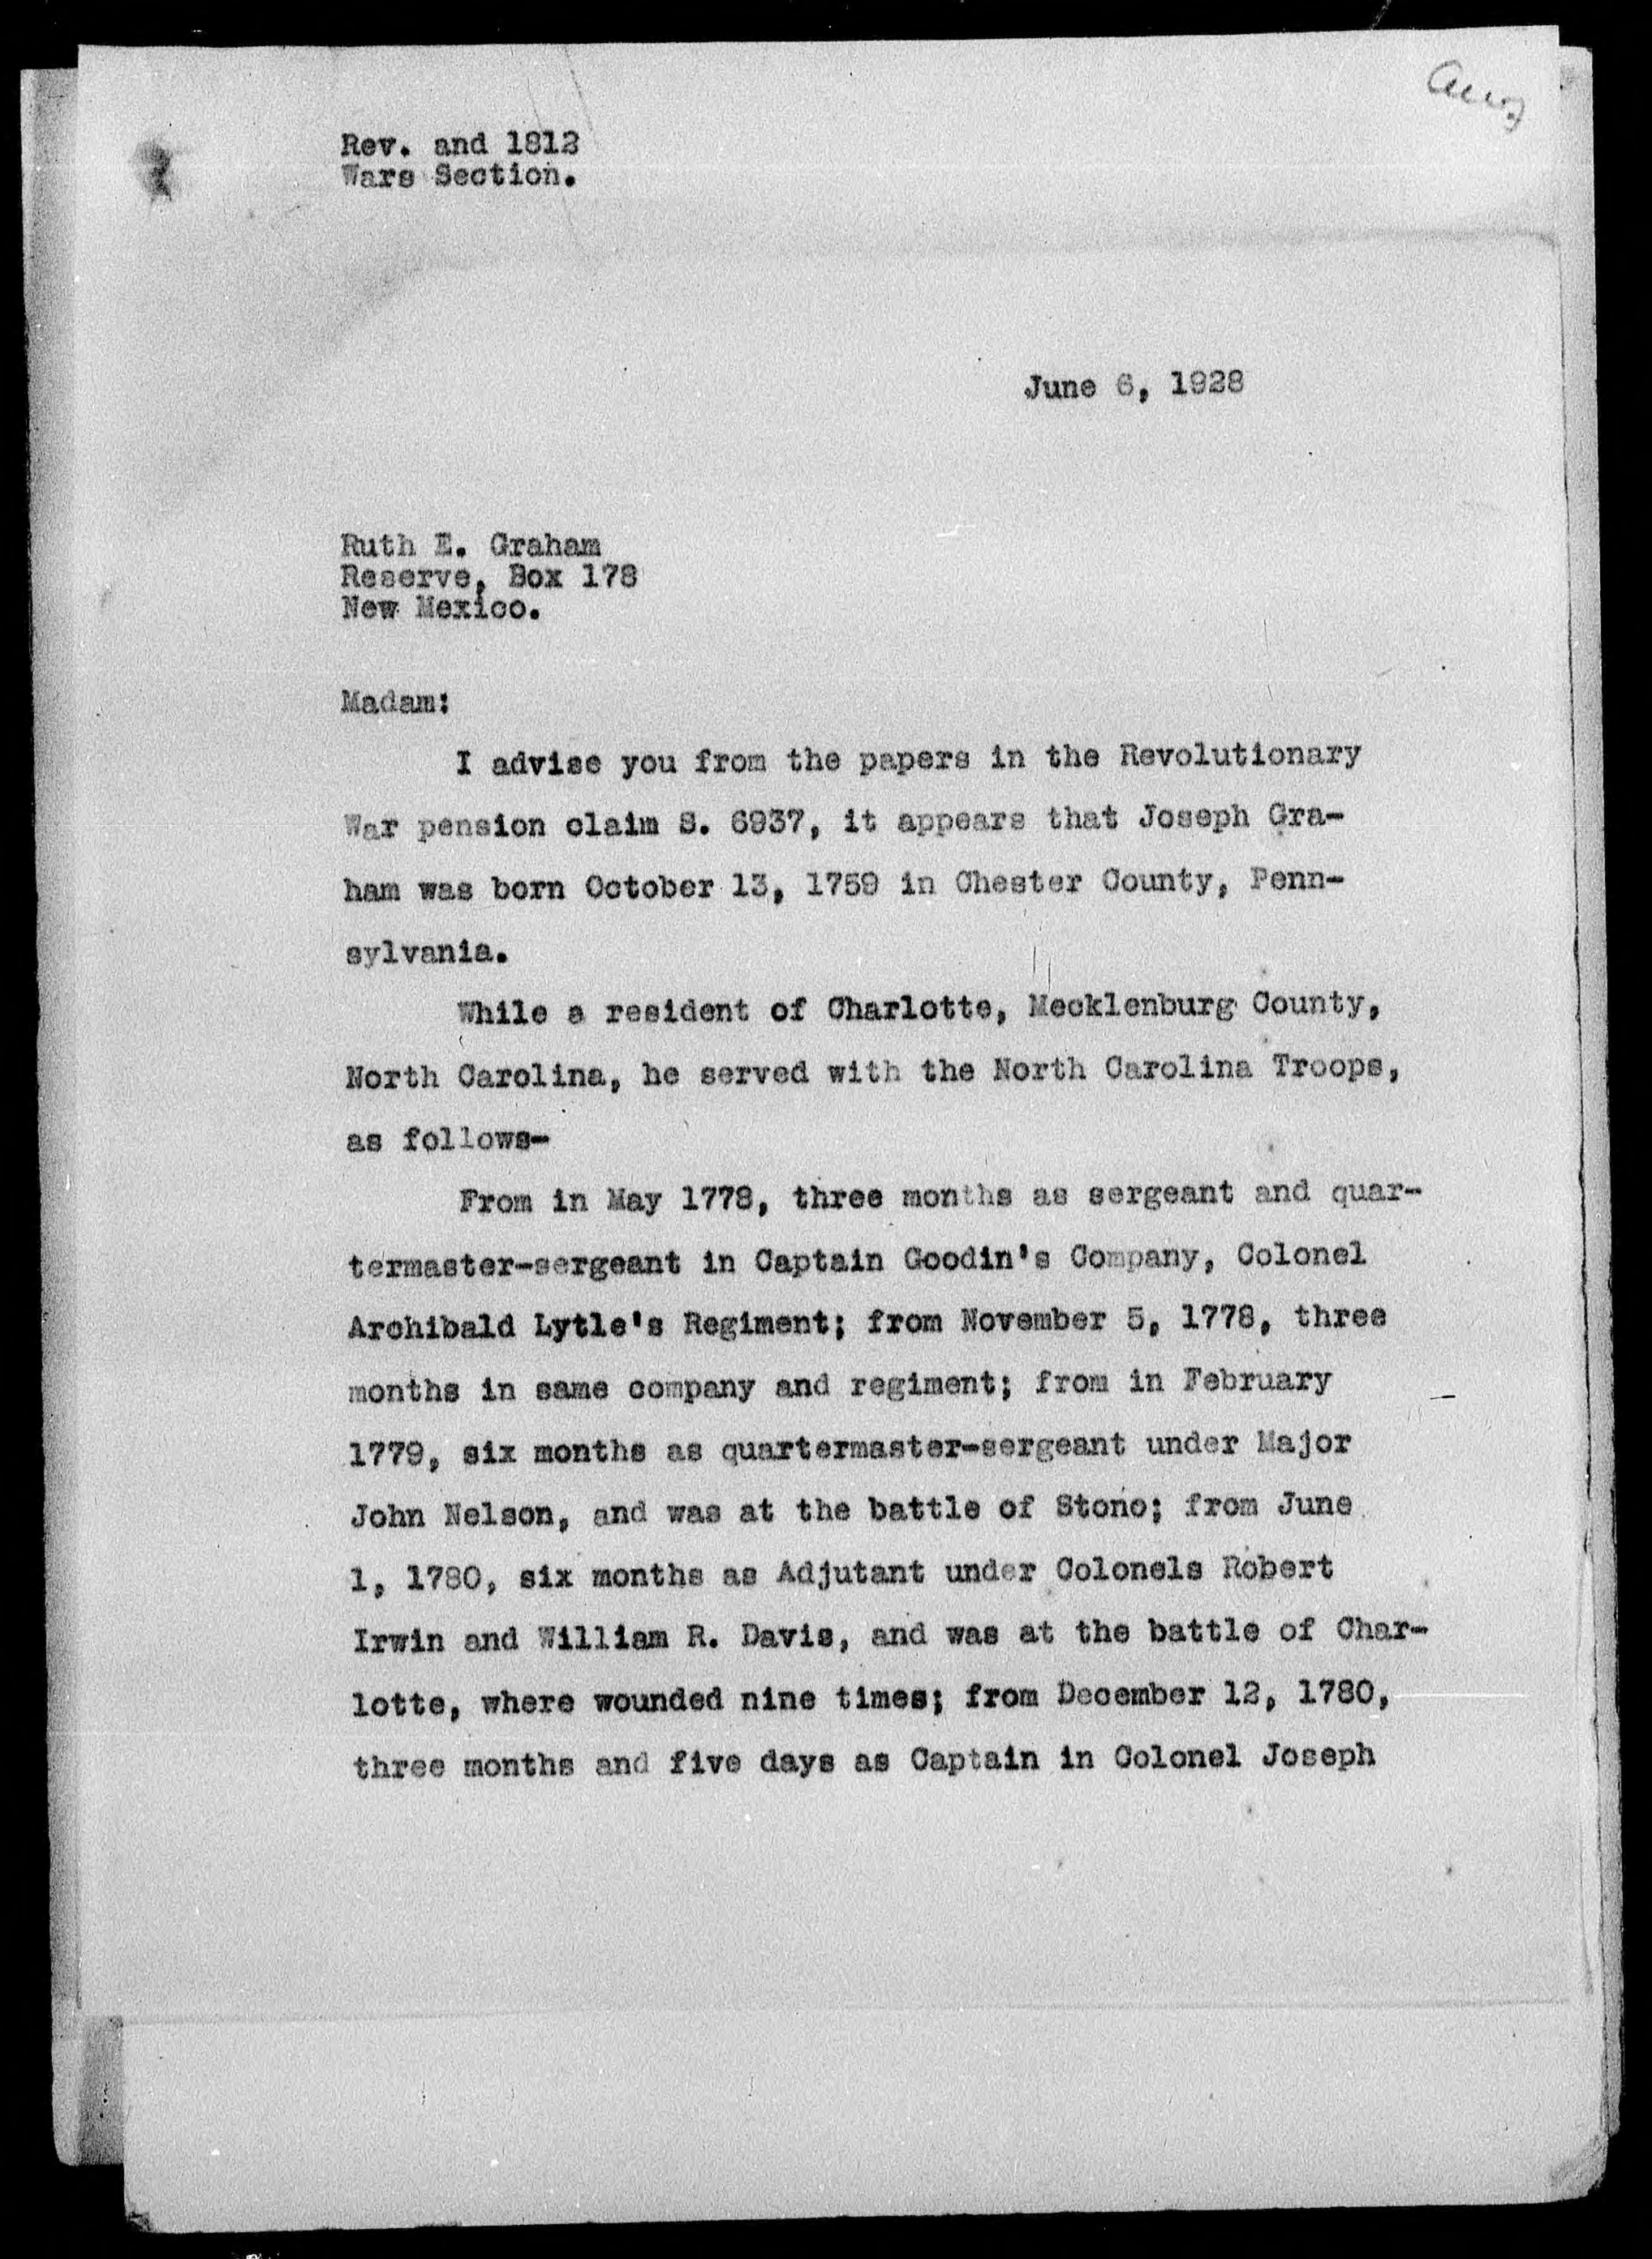awf
Rev. and 1812
Wars Section.

June 6, 1928

Ruth E. Graham
Reserve, Box 178
New Mexico.

Madam:

I advise you from the papers in the Revolutionary War pension claim S. 6937, it appears that Joseph Graham was born October 13, 1759 in Chester County, Pennsylvania.
While a resident of Charlotte, Mecklenburg County, North Carolina, he served with the North Carolina Troops,
as follows-
From in May 1778, three months as sergeant and quartermaster-sergeant in Captain Goodin's Company, Colonel Archibald Lytle's Regiment; from November 5, 1778, three
months in same company and regiment; from in February 1779, six months as quartermaster-sergeant under Major John Nelson, and was at the battle of Stone; from June 1, 1780, six months as Adjutant under Colonels Robert
Irwin and William R. Davis, and was at the battle of Charlotte, where wounded nine times; from December 12, 1780, three months and five days as Captain in Colonel Joseph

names: John Nelson, Robert Irwin, Ruth E Graham, Joseph, William R Davis, Joseph Graham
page: 22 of 55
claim: survivor's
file: S. 6,937, Joseph Graham, N.C.